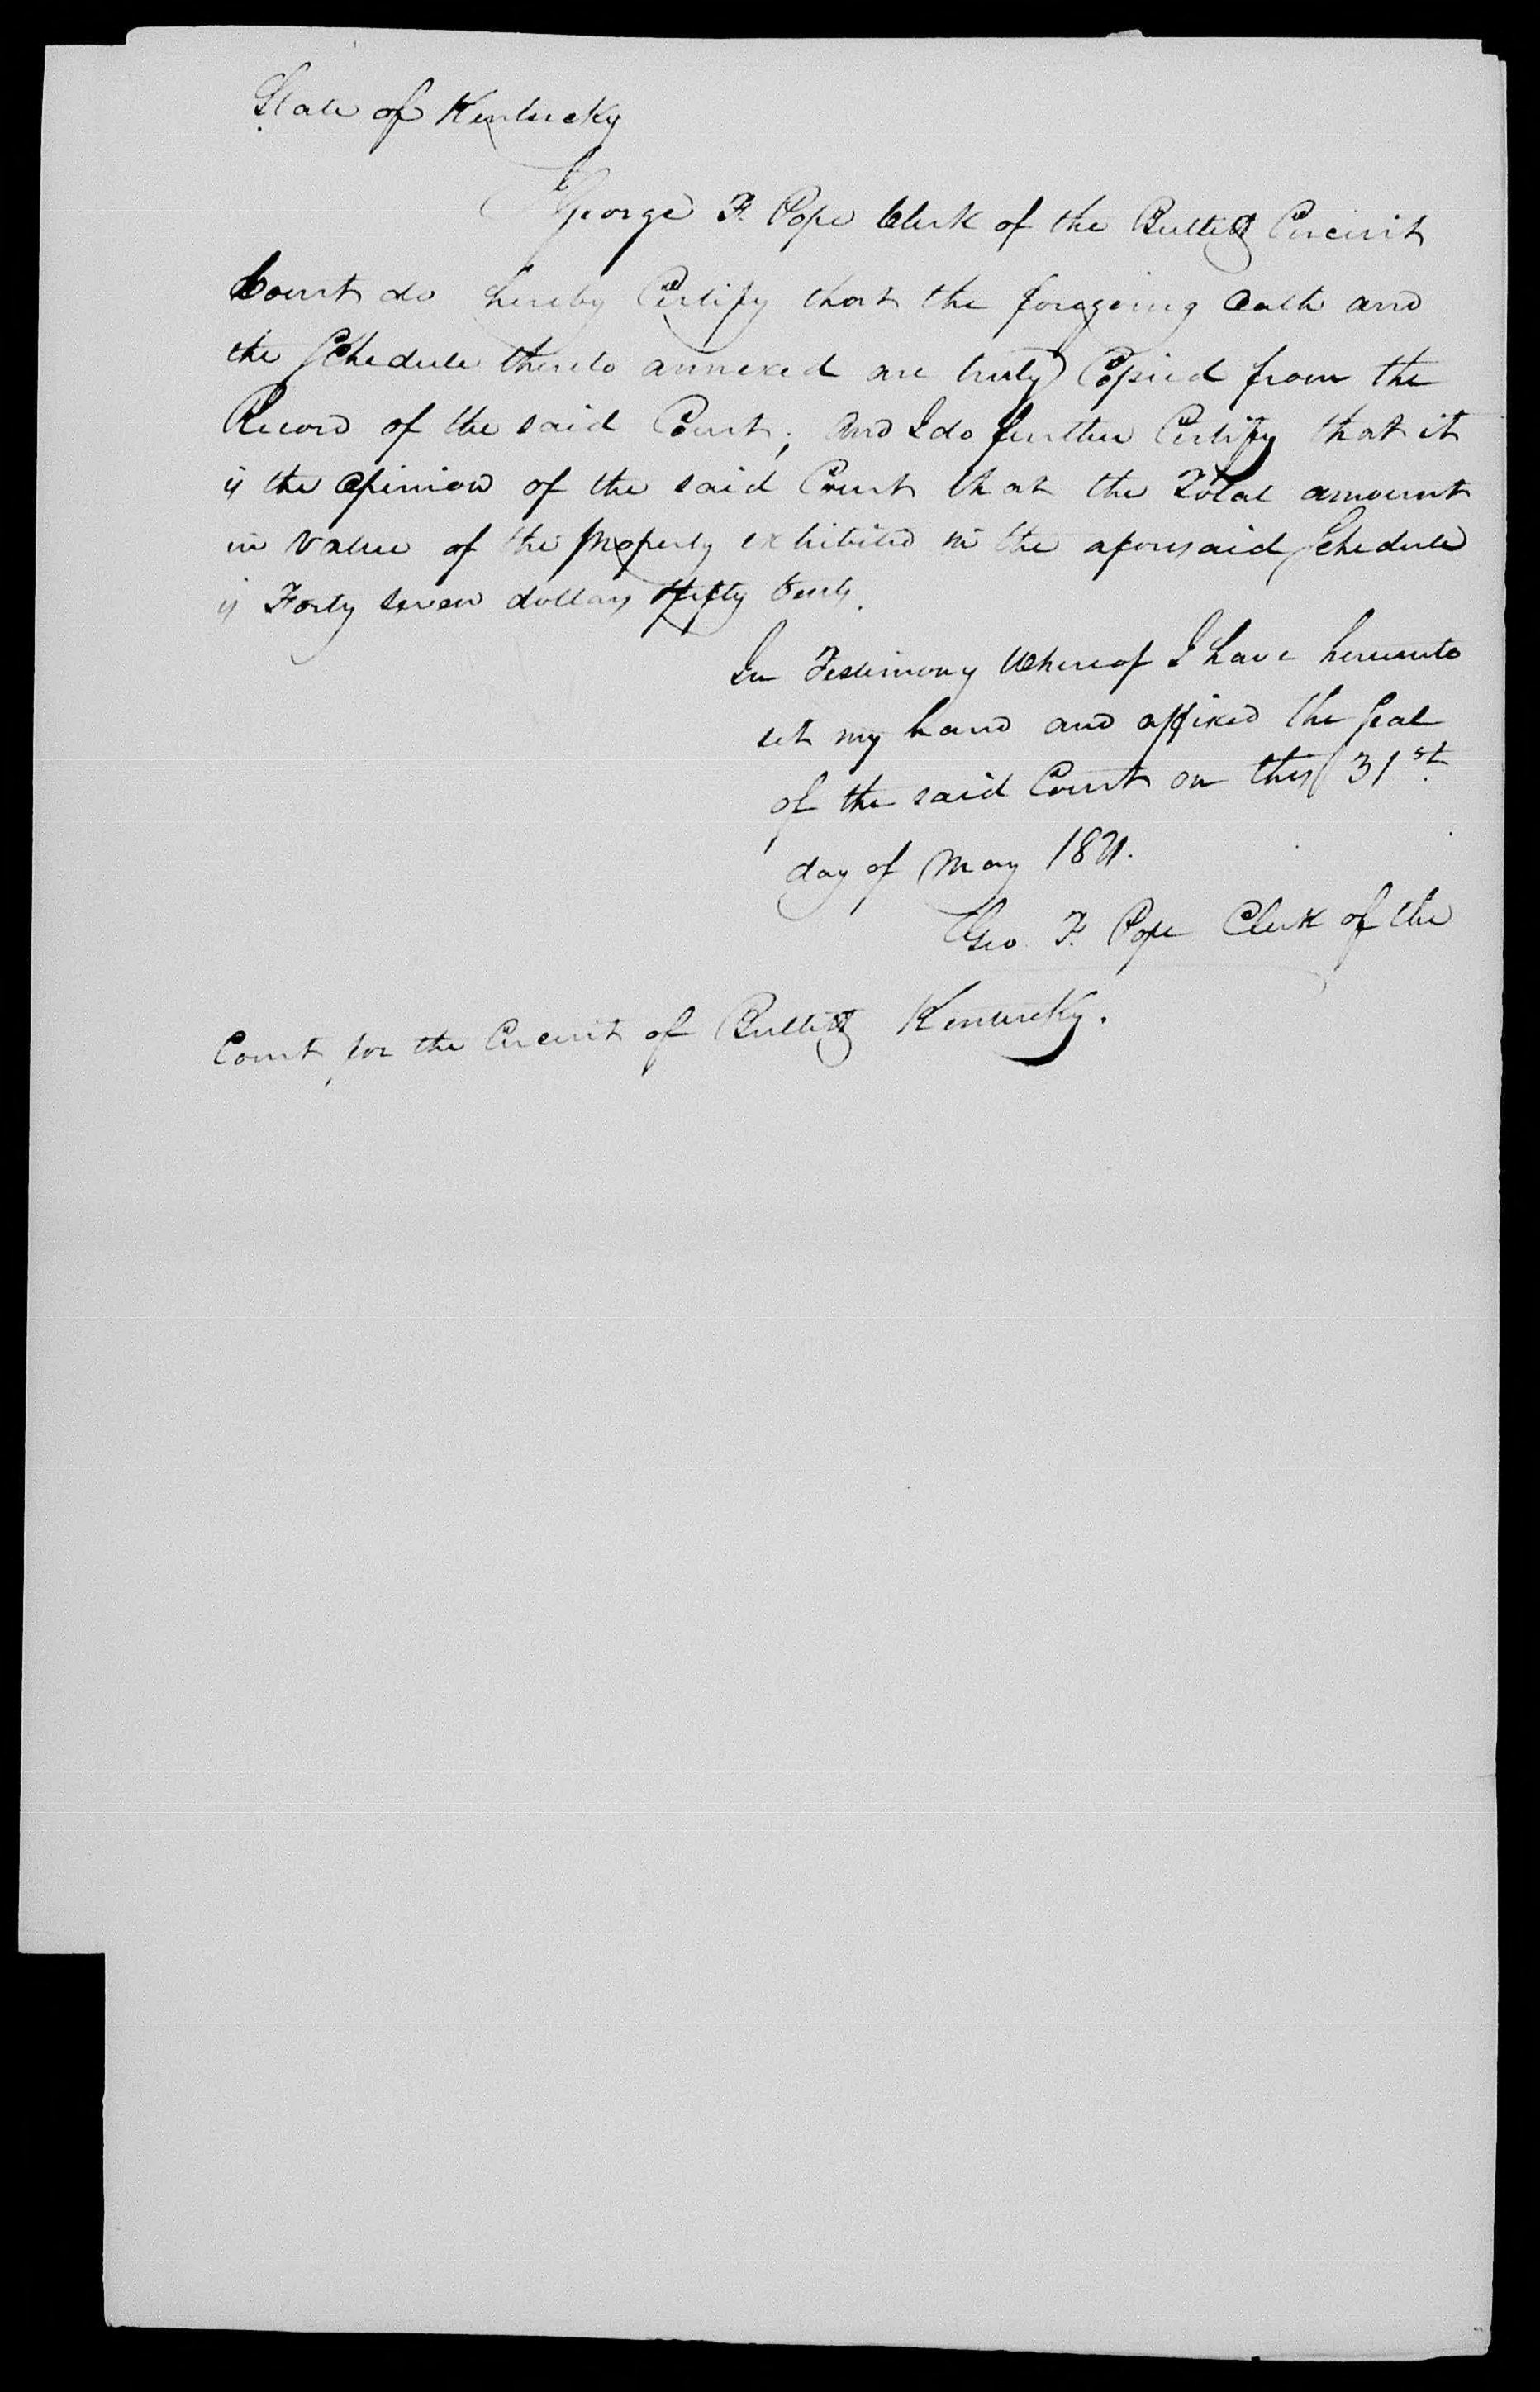State of Kentucky

George P. Pope Clerk of the Bullitt Circuit Court do hereby certify that the foregoing oath and
the schedule thereto annexed are truly copied from the Record of the said Court; and I do further certify that it is the opinion of the said Court that the Total amount in value of the property exhibited in the aforesaid Schedule is Forty Seven dollars & fifty Cents

In Testimony whereof I have hereunto set my hand and affixed the seal of the said Court on this 31st day of May 1821

Geo. F. Pope Clerk of the Court for the Circuit of Bullitt Kentucky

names: George F Pope, Geo F Pope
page: 9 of 14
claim: survivor's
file: S 35911, John Edens, S.C.